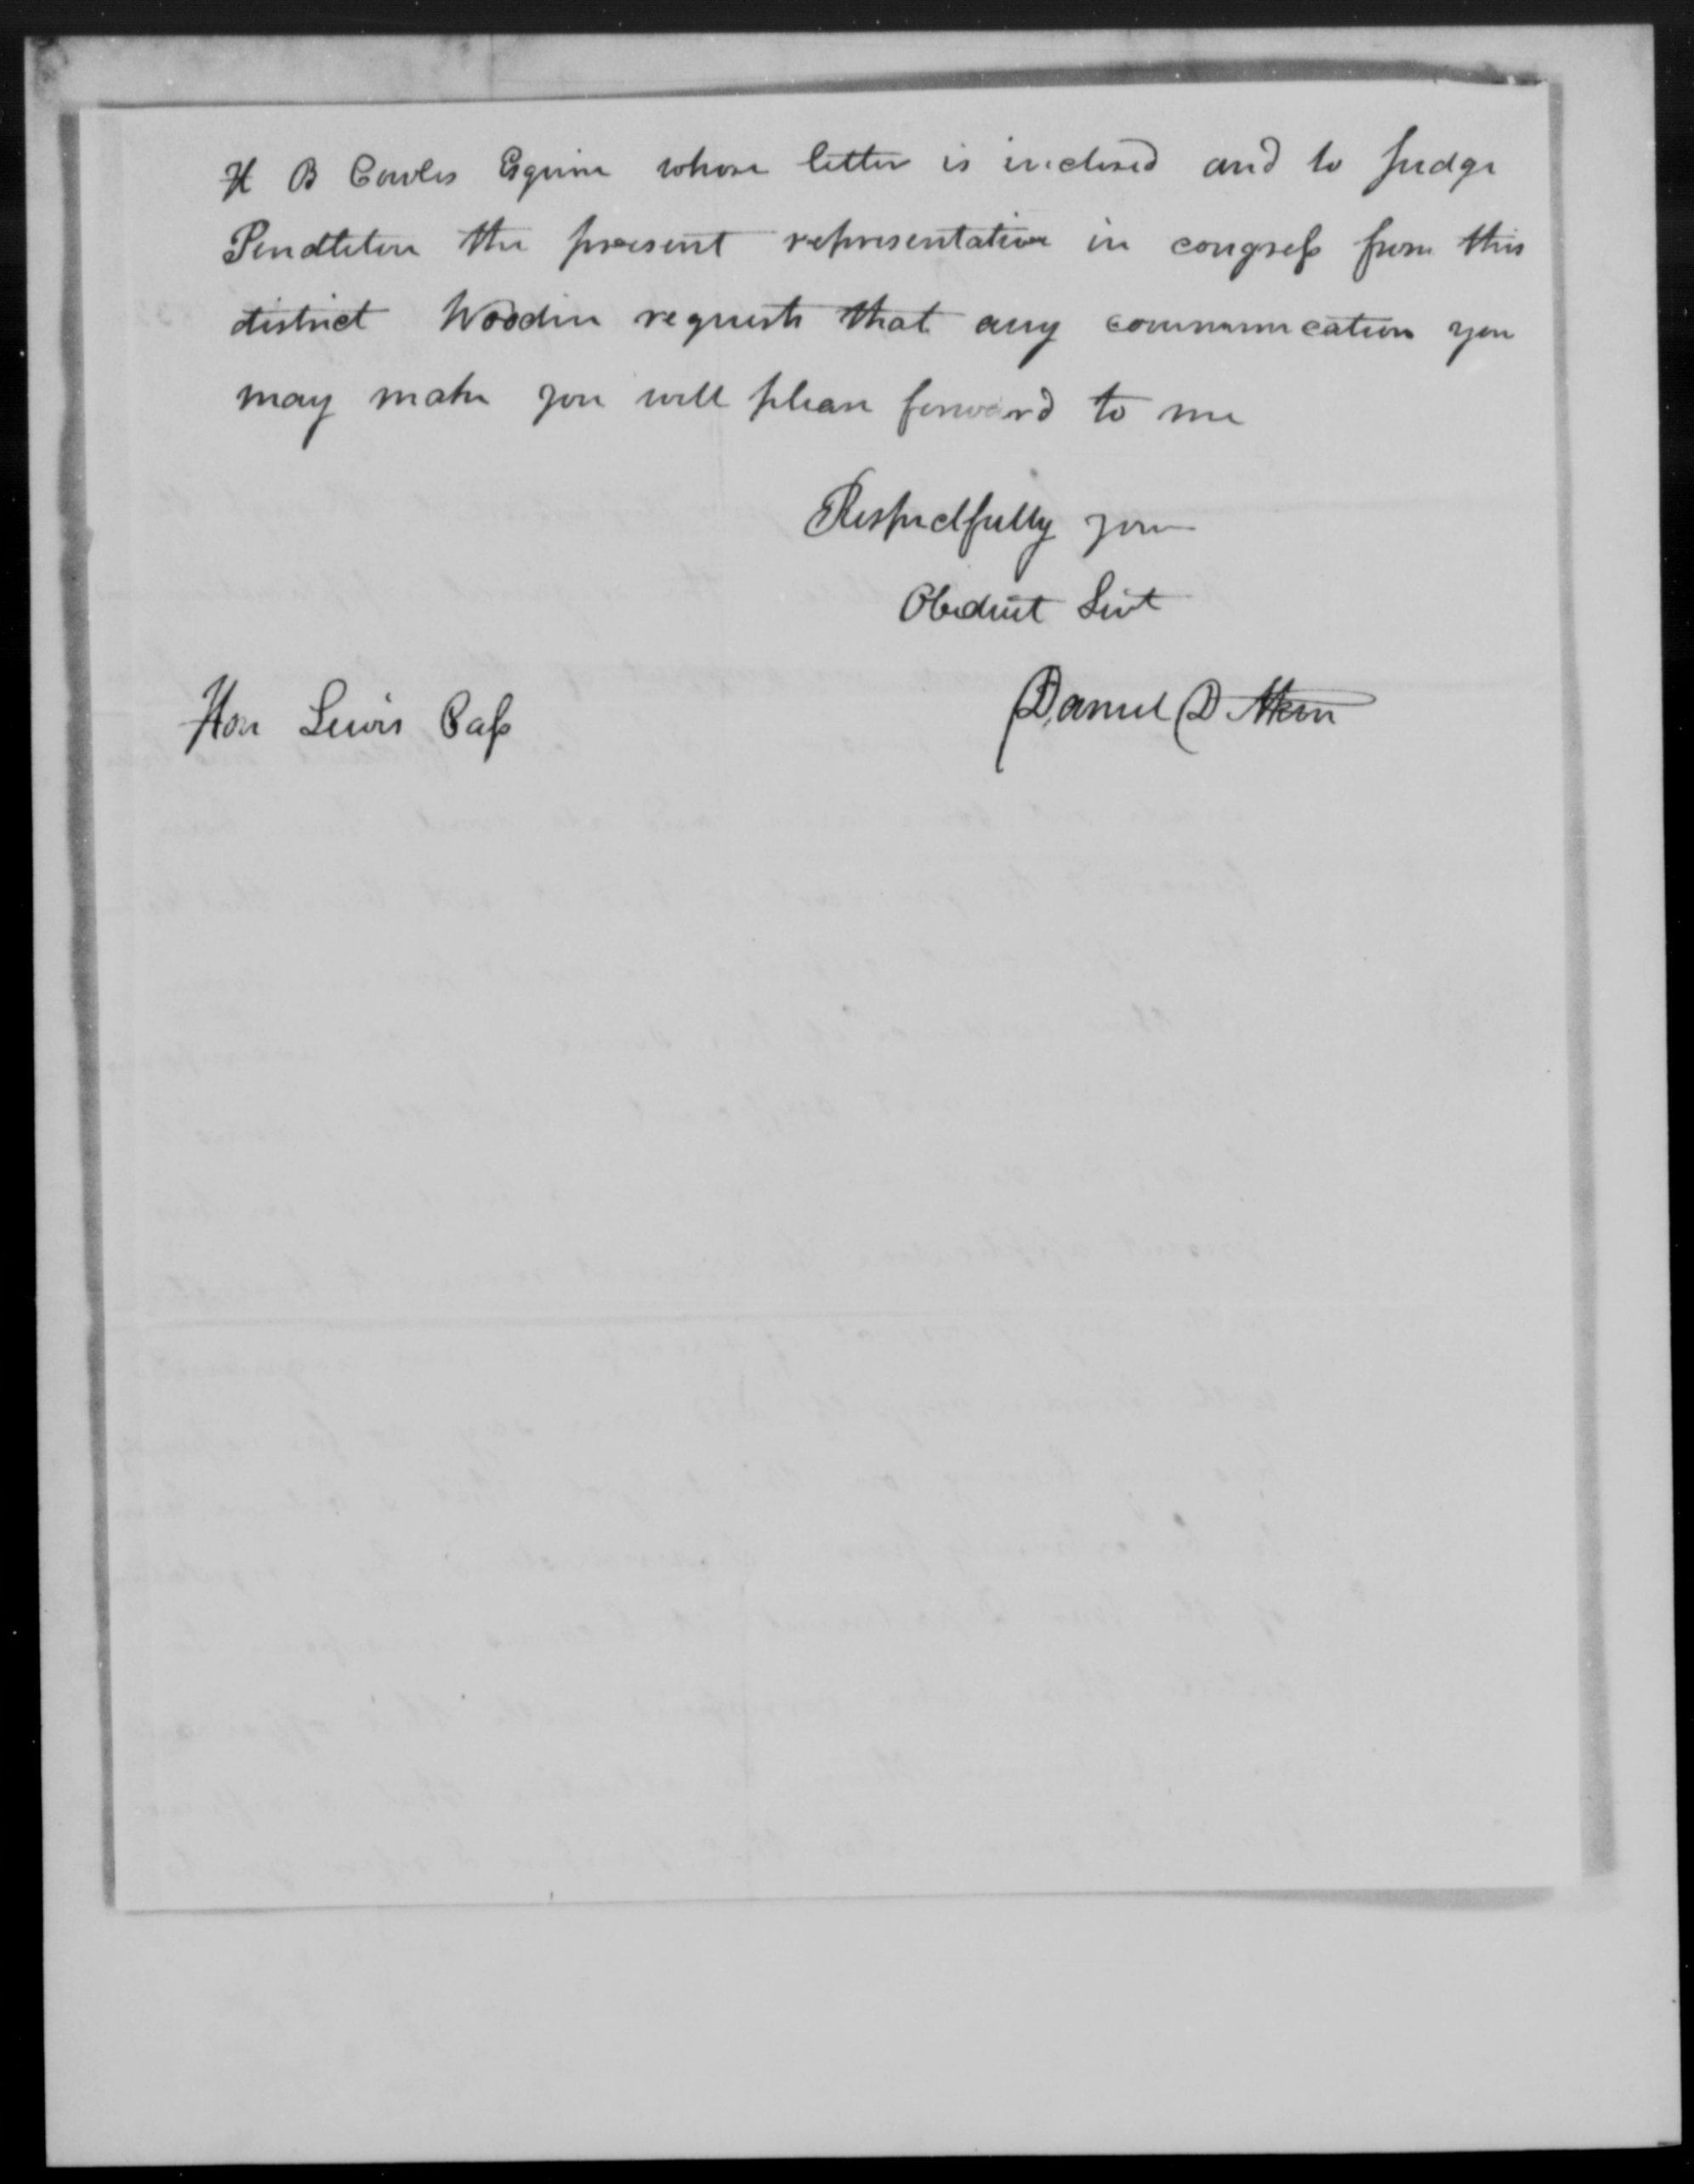H B Cowles Esquire whose letter is inclosed and to Judge Pendleton the present representation in congress from this district Woodin requests that any communication you may make you will please forward to me 
Respectfully your Obedient Svt 
Daniel D Aikin



Hon Lewis Cass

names: H B Cowles, Lewis Cass, Daniel D Akin, Woodin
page: 73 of 77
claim: widow's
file: W. 19658, John Woodin, New York